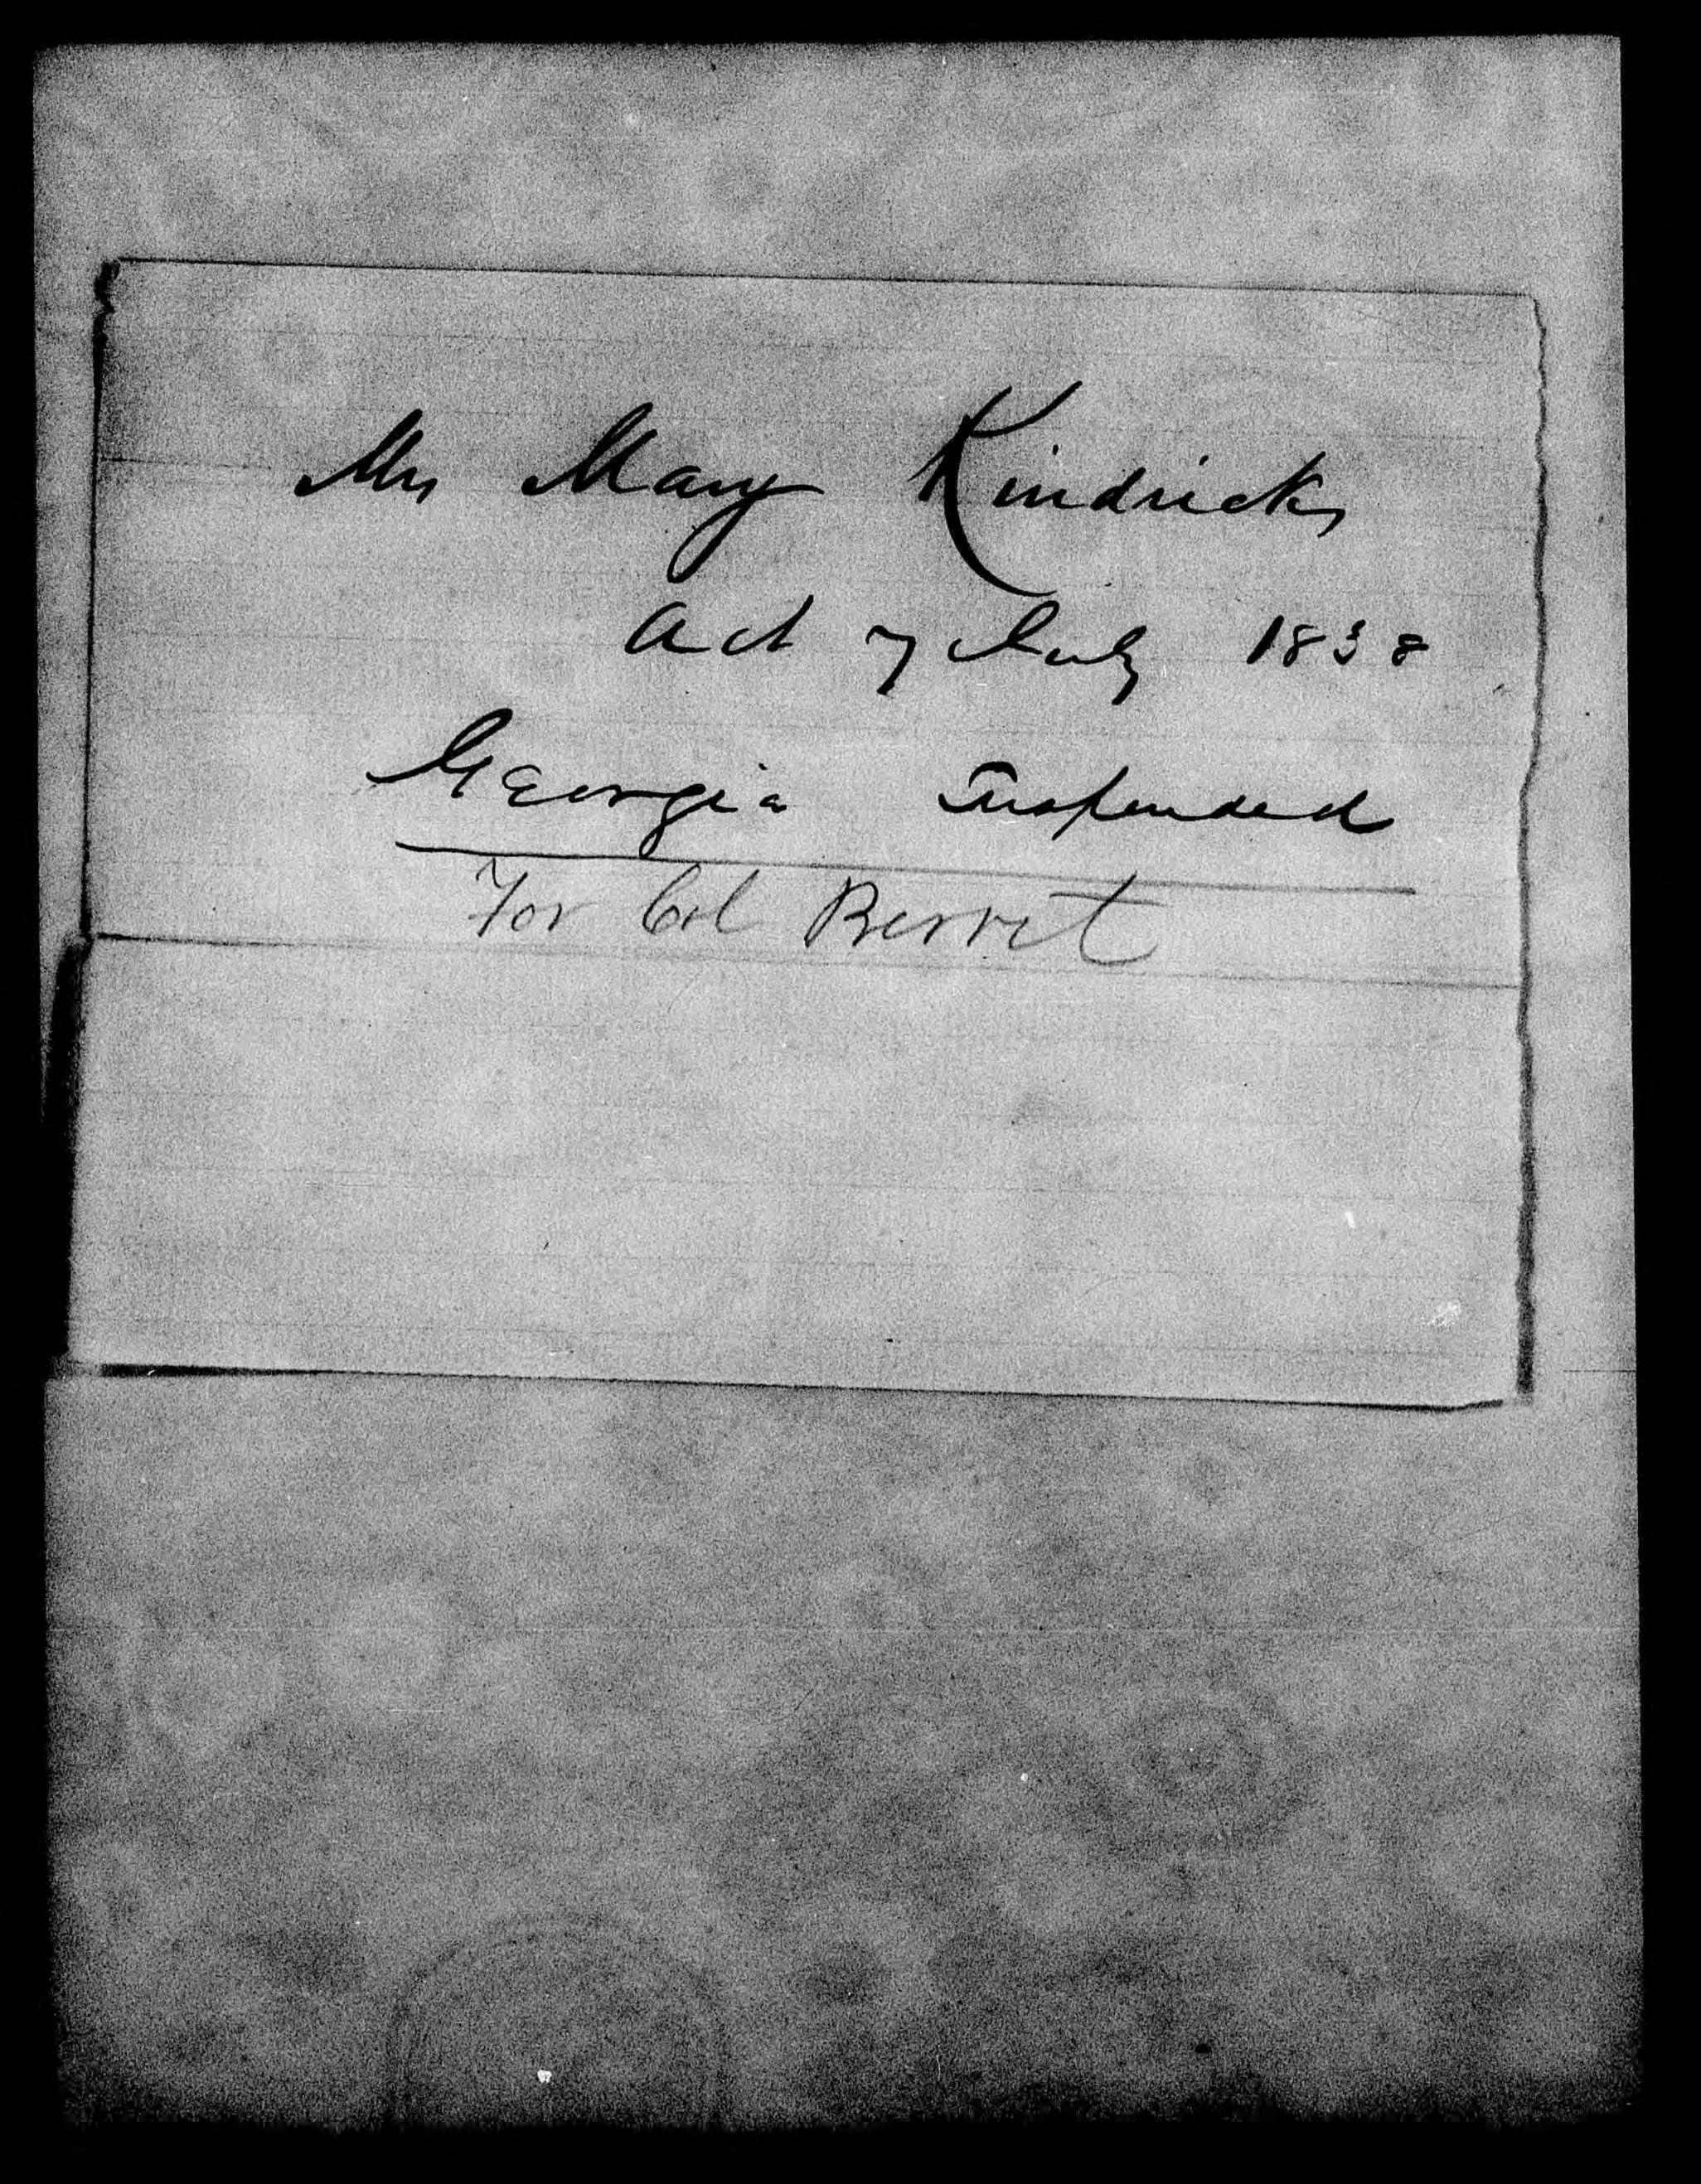Mrs Mary Kindricks
Act 7 July 1838
Georgia  Suspended
For Col Berret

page: 18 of 29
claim: rejected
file: R. 5862, for Isham Kendrick, North Carolina